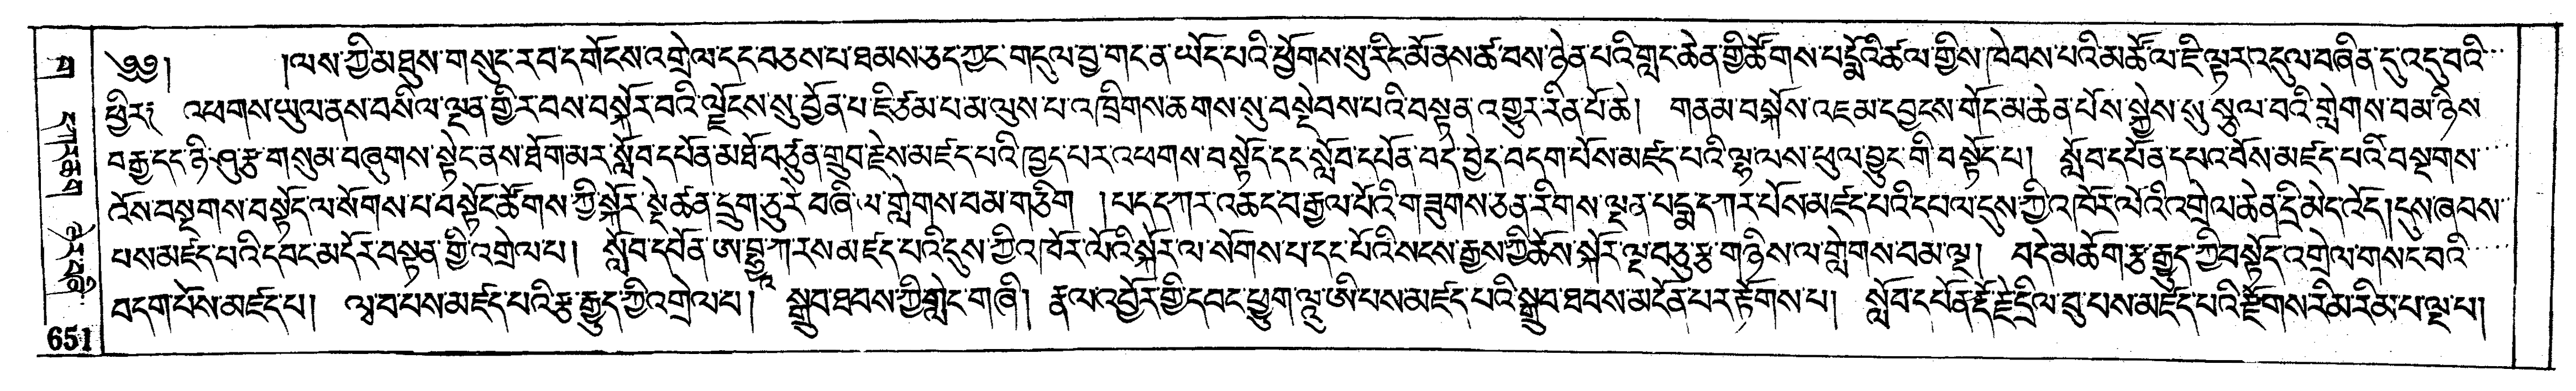༄༅། །ལས་ཀྱི་མཐུས་གསུང་རབ་དགོངས་འགྲེལ་དང་བཅས་པ་ཐམས་ཅད་ཀྱང་གདུལ་བྱ་གང་ན་ཡོད་པའི་ཕྱོགས་སུ་རིང་མོ་ནས་ཚ་བས་ཉེན་པའི་གླང་ཆེན་གྱི་ཚོགས་པདམོའི་ཚལ་གྱིས་ཁེབས་པའི་མཚོ་ལ་ཇི་ལྟར་འདུ་བ་བཞིན་དུ་འདུ་བའི་
ཕྱིར༑ འཕགས་ཡུལ་ནས་བསིལ་ལྡན་གྱི་ར་བས་བསྐོར་བའི་ལྗོངས་སུ་བྱོན་པ་ཇི་ཙམ་པ་མ་ལུས་པ་འཁྲིགས་ཆགས་སུ་བསྡེབས་པའི་བསྟན་འགྱུར་རིན་པོ་ཆེ། གནམ་བསྐོས་འཇམ་དབྱངས་གོང་མ་ཆེན་པོས་སྐྱེས་སུ་སྩལ་བའི་གླེགས་བམ་ཉིས་
བརྒྱ་དང་ཉི་ཤུ་རྩ་གསུམ་བཞུགས་སྟེང་ནས་ཐོག་མར་སློབ་དཔོན་མཐོ་བཙུན་གྲུབ་རྗེས་མཛད་པའི་ཁྱད་པར་འཕགས་བསྟོད་དང་སློབ་དཔོན་བདེ་བྱེད་བདག་པོས་མཛད་པའི་ལྷ་ལས་ཕུལ་བྱུང་གི་བསྟོད་པ། སློབ་དཔོན་དཔའ་བོས་མཛད་པའི་བསྔགས་
འོས་བསྔགས་བསྟོད་ལ་སོགས་པ་བསྟོད་ཚོགས་ཀྱི་སྐོར་སྡེ་ཚན་དྲུག་ཅུ་རེ་བཞི་ལ་གླེགས་བམ་གཅིག །པད་དཀར་འཆང་བ་རྒྱལ་པོའི་གཟུགས་ཅན་རིགས་ལྡན་པདམ་དཀར་པོས་མཛད་པའི་དཔལ་དུས་ཀྱི་འཁོར་ལོའི་འགྲེལ་ཆེན་དྲི་མེད་འོད། དུས་ཞབས་
པས་མཛད་པའི་དབང་མདོར་བསྟན་གྱི་འགྲེལ་པ། སློབ་དཔོན་ཨ་བྷྱཱ་ཀ་རས་མཛད་པའི་དུས་ཀྱི་འཁོར་ལོའི་སྐོར་ལ་སོགས་པ་དང་པོའི་སངས་རྒྱས་ཀྱི་ཆོས་སྐོར་ལྔ་བཅུ་རྩ་གཉིས་ལ་གླེགས་བམ་ལྔ། བདེ་མཆོག་རྩ་རྒྱུད་ཀྱི་བསྟོད་འགྲེལ་གསང་བའི་
བདག་པས་མཛད་པ། ལྭ་བ་པས་མཛད་པའི་རྩ་རྒྱུད་ཀྱི་འགྲེལ་པ། སྒྲུབ་ཐབས་ཀྱི་གླེང་གཞི། རྣལ་འབྱོར་གྱི་དབང་ཕྱུག་ལཱུ་ཨི་པས་མཛད་པའི་སྒྲུབ་ཐབས་མངོན་པར་རྟོགས་པ། སློབ་དཔོན་རྡོ་རྗེ་དྲིལ་བུ་པས་མཛད་པའི་རྫོགས་རིམ་རིམ་པ་ལྔ་པ།